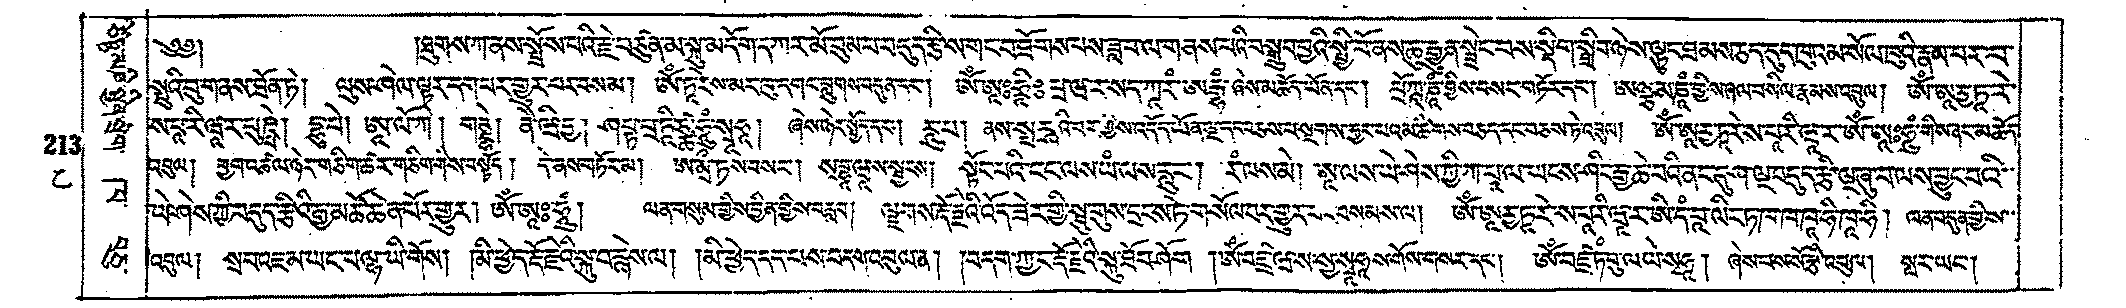༄༅། །ཐུགས་ཀ་ནས་སྤྲོས་པའི་རྗེ་བཙུན་མ་སྐུ་མདོག་དཀར་མོ་བུམ་པ་བདུད་རྩིས་གང་བ་ཐོགས་པས་ཟླ་བ་ལ་གནས་པའི་བསྒྲུབ་བྱའི་སྤྱི་བོ་ནས་ཆུ་རྒྱུན་སྦྲེང་བས་སྡིག་སྒྲིབ་ཉེས་ལྟུང་ཐམས་ཅད་དུད་ཁུའམ་སོལ་ཁུའི་རྣམ་པར་བ་
སྤུའི་བུ་གནས་ཐོན་ཏེ། ལུས་ཤེལ་ལྟར་དག་པར་གྱུར་པར་བསམ། ཨོཾ་ཏཱ་རེས་མར་ཁུ་དགང་བླུགས་བདུན་དང་།  ཨོཾ་ཨཱཿ ཧྲཱིཿ པྲ་ཝ་ར་སད་ཀཱ་རཾ་ཨརྒྷཾ་ཞེས་མཆོད་ཡོན་དང་། པྲོཀྵ་ཎཱཾ་གྱིས་བསང་གཏོར་དང་། ཨཉྩ་མ་ཎཱཾ་གྱིས་ཞལ་བསིལ་རྣམས་འབུལ།  ཨོཾ་ཨཱརྱ་ཏཱ་རེ་
ས་པཱ་རི་ཝཱ་ར་པུཥྤེ། དྷུ་པེ། ཨཱ་ལོ་ཀེ། གནྡྷེ། ནཻ་ཝེཧྱ། ཤཔྟ་པྲ་ཏཱིཙྪ་ཧཱུཾ་སྭཱཧཱ། ཞེས་ཉེར་སྤྱོད་དང་།  རཱུ་པ། ནས་སྤར་ཤའི་བར་གྱིས་འདོད་ཡོན་ལྔ་དང་བཅས་པ་སྔགས་རྐྱང་པའམ་ཚིགས་བཅད་དང་བཅས་ཏེ་འབུལ།  ཨོཾ་ཨཱཡ་ཏཱ་རེ་ས་པཱ་ཏི་ཝཱ་ར་ཨོཾ་ཨཱཿ ཧཱུཾ་གིས་ནང་མཆོད་
འབུལ། ཕྱག་འཚལ་ཉེར་གཅིག་ཚར་གཅིག་གིས་བསྟོད། །དེ་ནས་གཏོར་མ། ཨ་མྲྀ་ཏས་བསང་། སྭ་བྷཱ་ཝཱས་སྦྱངས། སྟོང་པའི་ངང་ལས་ཡཾ་ལས་རླུང་། རཾ་ལས་མེ། ཨཱ་ལས་ཡེ་ཤེས་ཀྱི་ཀ་པཱ་ལ་ཡངས་ཤིང་རྒྱ་ཆེ་བའི་ནང་དུ་ཤ་ལྔ་བདུད་རྩི་ལྔ་ཞུ་བ་ལས་བྱུང་བའི་་་
ཡེ་ཤེས་ཀྱི་བདུད་རྩིའི་རྒྱ་མཚོ་ཆེན་པོར་གྱུར། ཨོཾ་ཨཱཿ ཧཱུཾ། ལན་གསུམ་གྱིས་བྱིན་གྱིས་བརླབ།  ལྗགས་རྡོ་རྗེའི་འོད་ཟེར་གྱི་སྤུ་གུས་དྲངས་ཏེ་གསོལ་བར་གྱུར་བར་བསམས་ལ། ཨོཾ་ཨཱརྱ་ཏཱ་རེ་ས་པཱ་རི་ཝ་ར་ཨི་དཾ་བཱ་ལིང་ཏ་ཁ་ཁ་ཁཱ་ཧི་ཁཱ་ཧི། ལན་བདུན་གྱིས་་་
འབུལ། སྲབ་འཇམ་ཡང་པ་ལྷ་ཡི་གོས། །མི་ཕྱེད་རྡོ་རྗེའི་སྐུ་བརྙེས་ལ། །མི་ཕྱེད་དད་པས་བདག་འབུལ་ན། །བདག་ཀྱང་རྡོ་རྗེའི་སྐུ་ཐོབ་ཤོག །ཨོཾ་བཛྲ་ཝ་ས་སྱ་སྭཱཧཱས་གོས་གསར་དང་།  ཨོཾ་བཛྲ་ཏཾ་བུ་ལ་ཡེ་སྭཱཧཱ། ཞེས་པས་སོ་རྩི་འབུལ། །སླར་ཡང་།